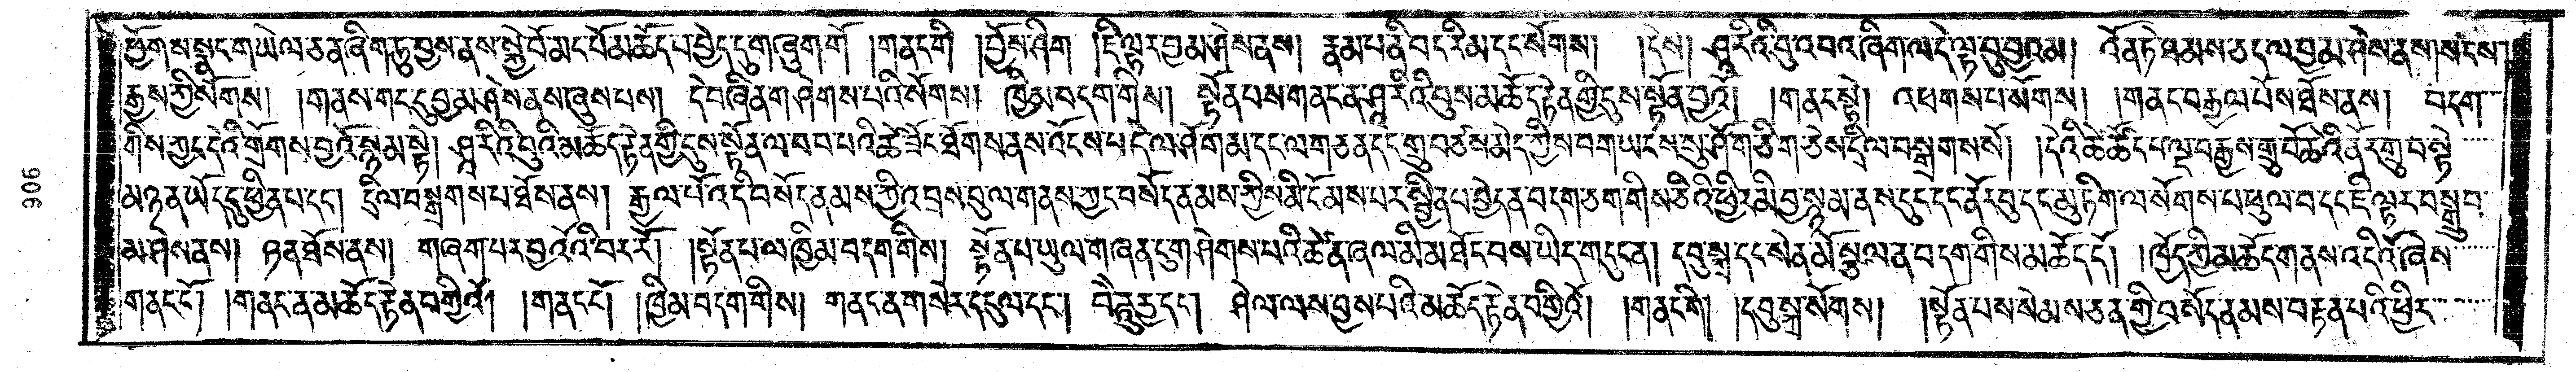ཕྱོགས་སྣང་གཡེལ་ཅན་ཞིག་ཏུ་བྱས་ནས་སྐྱེ་བོ་མང་པོ་མཆོད་པ་བྱེད་དུ་གཞུག་གོ །གནང་གི །བྱོས་ཤིག །ཇི་ལྟར་བྱམ་ཤེས་ནས། རྣམ་པ་ནི་བང་རིམ་དང་སོགས། །དེས། ཤཱ་རིའི་བུ་འབའ་ཞིག་ལ་དེ་ལྟ་བུ་བྱའམ། འོན་ཏེ་ཐམས་ཅད་ལ་བྱམ་ཤེས་ནས། སངས་
རྒྱས་ཀྱི་སོགས། །གནས་གང་དུ་བྱ་མ་ཤེས་ནས་ཞུས་པས། དེ་བཞིན་གཤེགས་པའི་སོགས། ཁྱིམ་བདག་གིས། སྟོན་པས་གནང་ན་ཤཱ་རིའི་བུས་མཆོད་རྟེན་གྱི་དུས་སྟོན་བྱའོ། །གནང་སྟེ། འཕགས་པ་སོགས། །གནང་བ་རྒྱལ་པོས་ཐོས་ནས། བདག་
གིས་ཀྱང་དེའི་གྲོགས་བྱའོ་སྙམ་སྟེ། ཤཱ་རིའི་བུའི་མཆོད་རྟེན་གྱི་དུས་སྟོན་ལ་བབ་པའི་ཚེ་ཟོང་ཐོགས་ནས་འོངས་པ་དེ་ལ་ཤོ་གམ་དང་ལག་ཅན་དང་གྲུ་བཙས་མེད་ཀྱིས་བག་ཡངས་སུ་ཤོ་གཅིག་ཅེས་དྲིལ་བསྒྲགས་སོ། །དེའི་ཚེ་ཚོང་པ་ལྔ་བརྒྱས་གྲུ་བོ་ཆེའི་ནོར་གྲུབ་སྟེ་
མཉན་ཡོད་དུ་ཕྱིན་པ་དང་། དྲིལ་བསྒྲགས་པ་ཐོས་ནས། རྒྱལ་པོ་འདི་བསོད་ནམས་ཀྱི་འབྲས་བུ་ལ་གནས་ཀྱང་བསོད་ནམས་ཀྱིས་མི་ངོམས་པར་སྦྱིན་པ་བྱེད་ན་བདག་ཅག་གིས་ཅིའི་ཕྱིར་མི་བྱ་སྙམ་ནས་དུང་དང་ནོར་བུ་དང་མུ་ཏིག་ལ་སོགས་པ་ཕུལ་བ་དང་ཇི་ལྟར་བསྒྲུབ་
མ་ཤེས་ནས། ཉན་ཐོས་ནས། གཞག་པར་བྱའོའི་བར་རོ། །སྟོན་པ་ལ་ཁྱིམ་བདག་གིས། སྟོན་པ་ཡུལ་གཞན་དུ་གཤེགས་པའི་ཚེ་ན་ཞལ་མི་མཐོང་བས་ཡིད་གདུང་ན། དབུ་སྐྲ་དང་སེན་མོ་སྩལ་ན་བདག་གིས་མཆོད་དོ། །ཁྱོད་ཀྱི་མཆོད་གནས་འདིའོ་ཞེས་
གནང་ངོ། །གནང་ན་མཆོད་རྟེན་བགྱིའོ། །གནང་ངོ། །ཁྱིམ་བདག་གིས། གནང་ན་གསེར་དངུལ་དང་། བཻཌཱུརྱ་དང་། ཤེལ་ལས་བྱས་པའི་མཆོད་རྟེན་བགྱིའོ། །གནང་གི། །དབུ་སྐྲ་སོགས། །སྟོན་པས་སེམས་ཅན་གྱི་བསོད་ནམས་བརྟན་པའི་ཕྱིར་